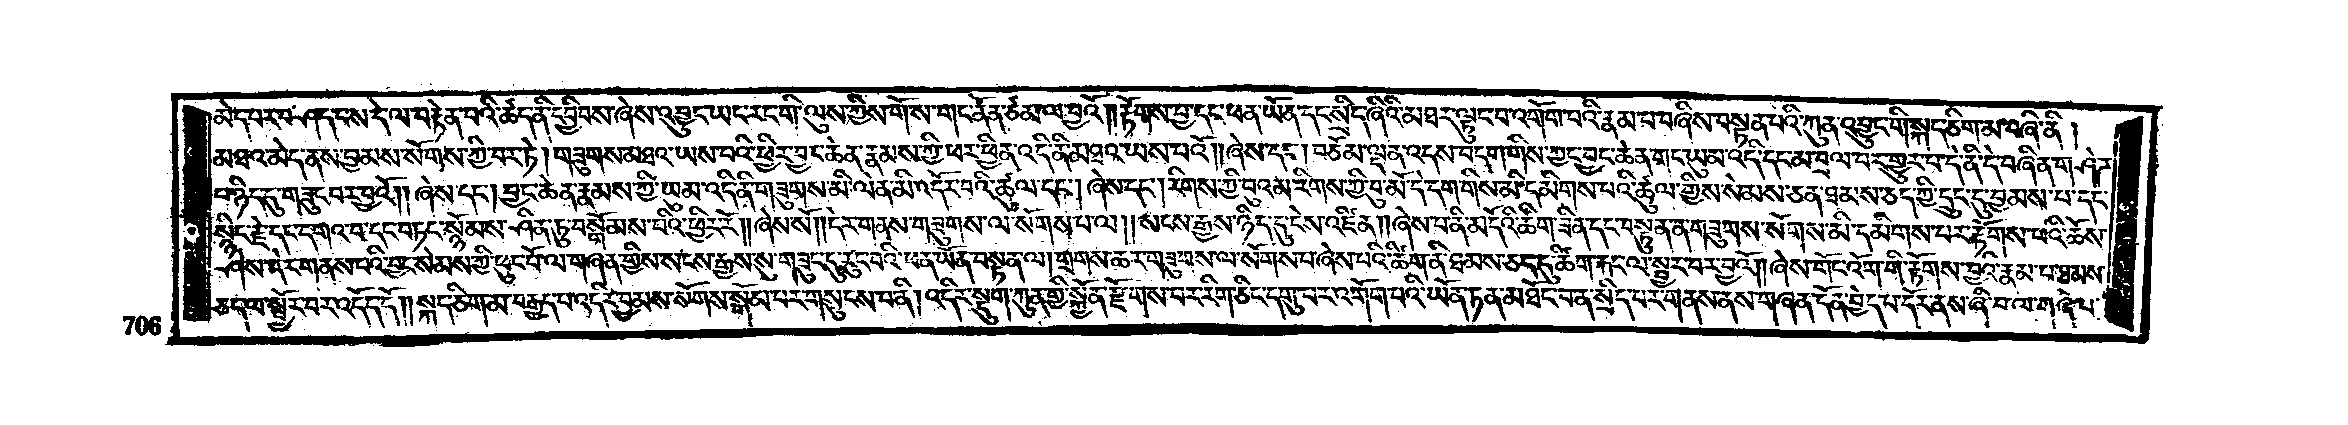མེད་པར་བཤད་པས་དེ་ལ་བརྟེན་པའི་ཚད་ནི་དབྱིབས་ཞེས་འབྱུང་ཡང་རང་གི་ལུས་ཀྱིས་གོ་ས་གང་ནོན་ཙམ་ལ་བྱའོ། །རྟོགས་བྱ་དང་ཕན་ཡོན་དང་སྲིད་ཞིའི་མཐར་ལྟུང་བ་འགོག་པའི་རྣམ་པ་བཞིས་བསྟན་པའི་ཀུན་འབྱུང་གི་སྐད་ཅིག་མ་བཞི་ནི།
མཐའ་མེད་ནས་བྱམས་སོགས་ཀྱི་བར་ཏེ། གཟུགས་མཐའ་ཡས་པའི་ཕྱིར་བྱང་ཆེན་རྣམས་ཀྱི་ཕར་ཕྱིན་འདི་ནི་མཐའ་ཡས་པའོ། །ཞེས་དང་། བཅོམ་ལྡན་འདས་བདག་གིས་ཀྱང་བྱང་ཆེན་གང་ཡུམ་འདི་དང་མ་བྲལ་བར་གྱུར་པ་དེ་ནི་དེ་བཞིན་གཤེགས་
པ་ཉིད་དུ་གཟུང་བར་བྱའོ། །ཞེས་དང་། བྱང་ཆེན་རྣམས་ཀྱི་ཡུམ་འདི་ནི་གཟུགས་མི་ལེན་མི་འདོར་བའི་ཚུལ་དང་། ཞེས་དང་། རིགས་ཀྱི་བུའམ་རིགས་ཀྱི་བུ་མོ་དེ་དག་གིས་མི་དམིགས་པའི་ཚུལ་གྱིས་སེམས་ཅན་ཐམས་ཅད་ཀྱི་དྲུང་དུ་བྱམས་པ་དང་
སྙིང་རྗེ་དང་དགའ་བ་དང་བཏང་སྙོམས་ཤིན་ཏུ་བསྒོམས་པའི་ཕྱིར་རོ། །ཞེས་སོ། །དེར་གནས་གཟུགས་ལ་སོགས་པ་ལ། །སངས་རྒྱས་ཉིད་དུ་ངེས་འཛིན། །ཞེས་པ་ནི་མདོའི་ཚིག་ཟིན་དང་བསྟུན་ན་གཟུགས་སོགས་མི་དམིགས་པར་རྟོགས་པའི་ཆོས་
ཤེས་དེར་གནས་པའི་བྱང་སེམས་ཀྱི་ཕུང་པོ་ལ་གཞན་གྱིས་སངས་རྒྱས་སུ་གཟུང་དུ་རུང་བའི་ཕན་ཡོན་བསྟན་ལ། གྲགས་ཆར་གཟུགས་ལ་སོགས་པ་ཞེས་པའི་ཚིག་ནི་ཐམས་ཅད་དུ་ཚིག་རྐང་ལ་སྦྱར་བར་བྱའོ། །ཞེས་གོང་འོག་གི་རྟོགས་བྱའི་རྣམ་པ་ཐམས་
ཅད་ལ་སྦྱོར་བར་འདོད་དོ། །སྐད་ཅིག་མ་བརྒྱད་པ་འདིར་བྱམས་སོགས་སྒོམ་པར་གསུངས་པ་ནི། འདིར་སྡུག་ཀུན་གྱི་སྐྱོན་རྫོགས་པར་རིག་ཅིང་དགུ་པར་འགོག་པའི་ཡོན་ཏན་མཐོང་བ་ན་སྲིད་པར་གནས་ནས་གཞན་དོན་བྱེད་པ་དོར་ནས་ཞི་བ་ལ་གཞོལ་